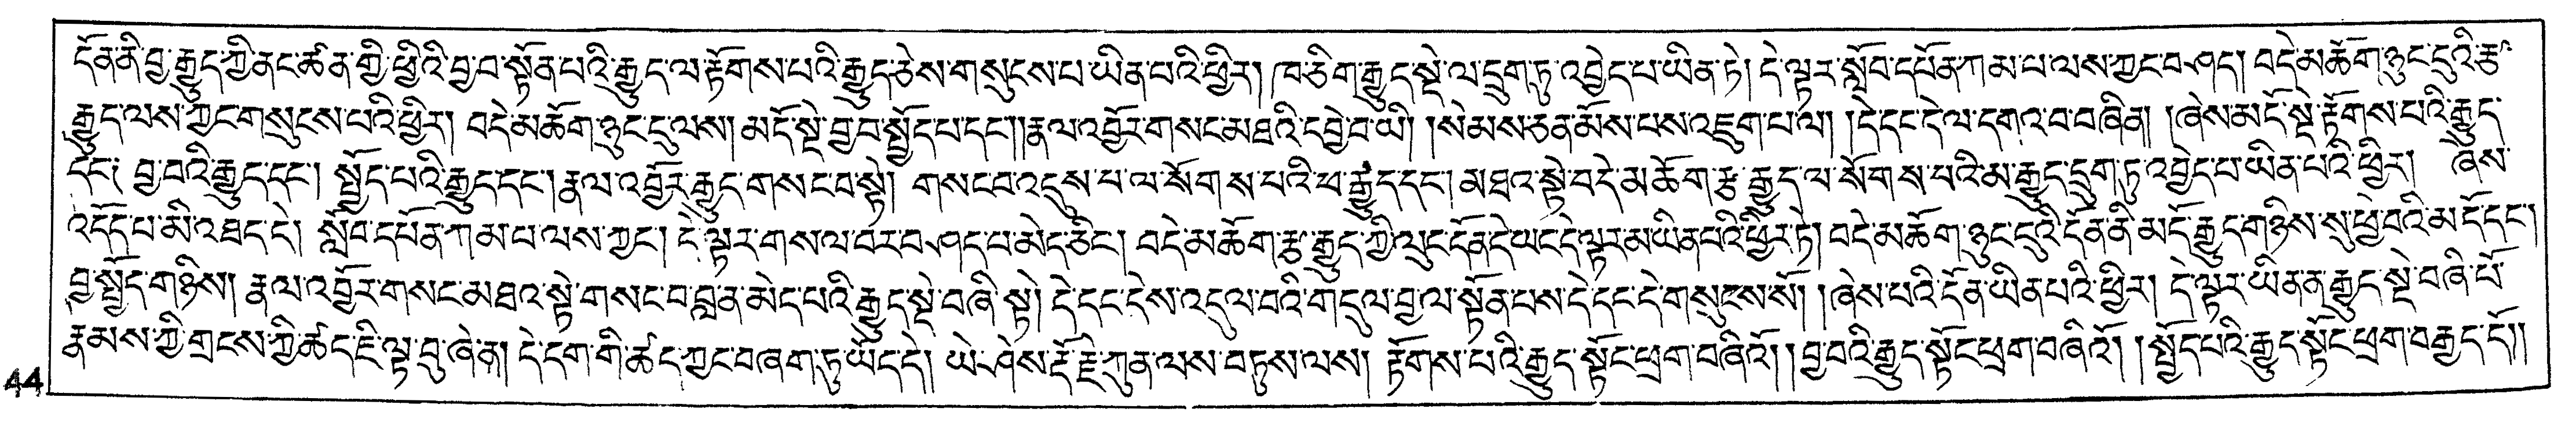དོན་ནི་བྱ་རྒྱུད་ཀྱི་ནང་ཚན་གྱི་ཕྱིའི་བྱ་བ་སྟོན་པའི་རྒྱུད་ལ་རྟོགས་པའི་རྒྱུད་ཅེས་གསུངས་པ་ཡིན་པའི་ཕྱིར། ཁ་ཅིག་རྒྱུད་སྡེ་ལ་དྲུག་ཏུ་འབྱེད་པ་ཡིན་ཏེ། དེ་ལྟར་སློབ་དཔོན་ཀམ་པ་ལས་ཀྱང་བཤད། བདེ་མཆོག་ཉུང་ངུའི་རྩ་
རྒྱུད་ལས་ཀྱང་གསུངས་པའི་ཕྱིར། བདེ་མཆོག་ཉུང་དུ་ལས། མདོ་སྡེ་བྱ་བ་སྤྱོད་པ་དང་། །རྣལ་འབྱོར་གསང་མཐའི་དབྱེ་བ་ཡི། །སེམས་ཅན་མོས་པས་འཇུག་པ་ལ། །དེ་དང་དེ་ལ་དགའ་བ་བཞིན། །ཞེས་མདོ་སྡེ་རྟོགས་པའི་རྒྱུད་
དང་། བྱ་བའི་རྒྱུད་དང་། སྤྱོད་པའི་རྒྱུད་དང་། རྣལ་འབྱོར་རྒྱུད་གསང་བ་སྟེ། གསང་བ་འདུས་པ་ལ་སོགས་པའི་ཕ་རྒྱུད་དང་། མཐའ་སྟེ་བདེ་མཆོག་རྩ་རྒྱུད་ལ་སོགས་པའི་མ་རྒྱུད་དྲུག་ཏུ་འབྱེད་པ་ཡིན་པའི་ཕྱིར། ཞེས་
འདོད་པ་མི་འཐད་དེ། སློབ་དཔོན་ཀམ་པ་ལས་ཀྱང་། དེ་ལྟར་གསལ་བར་བཤད་པ་མེད་ཅིང་། བདེ་མཆོག་རྩ་རྒྱུད་ཀྱི་ལུང་དོན་དེ་ཡང་དེ་ལྟར་མ་ཡིན་པའི་ཕྱིར་ཏེ། བདེ་མཆོག་ཉུང་ངུའི་དོན་ནི་མདོ་རྒྱུད་གཉིས་སུ་ཕྱེ་བའི་མདོ་དང་།
བྱ་སྤྱོད་གཉིས། རྣལ་འབྱོར་གསང་མཐའ་སྟེ་གསང་བ་བླ་ན་མེད་པའི་རྒྱུད་སྡེ་བཞི་སྟེ། དེ་དང་དེས་འདུལ་བའི་གདུལ་བྱ་ལ་སྟོན་པས་དེ་དང་དེ་གསུངས་སོ། །ཞེས་པའི་དོན་ཡིན་པའི་ཕྱིར། དེ་ལྟར་ཡིན་ན་རྒྱུད་སྡེ་བཞི་པོ་
རྣམས་ཀྱི་གྲངས་ཀྱི་ཚད་ཇི་ལྟ་བུ་ཞེ་ན། དེ་དག་གི་ཚད་ཀྱང་བཞག་ཏུ་ཡོད་དེ། ཡེ་ཤེས་རྡོ་རྗེ་ཀུན་ལས་བཏུས་ལས། རྟོགས་པའི་རྒྱུད་སྟོང་ཕྲག་བཞིའོ། །བྱ་བའི་རྒྱུད་སྟོང་ཕྲག་བཞིའོ། །སྤྱོད་པའི་རྒྱུད་སྟོང་ཕྲག་བརྒྱད་དོ། །